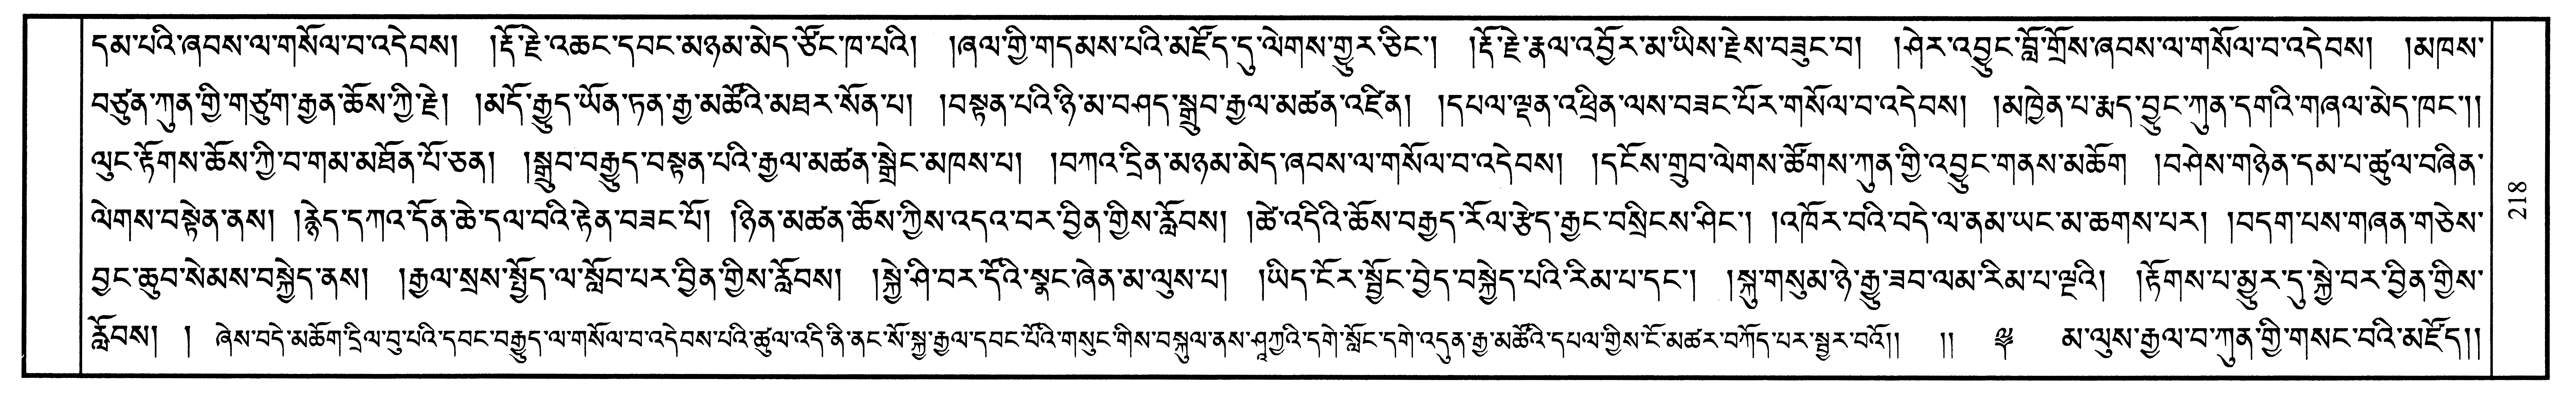དམ་པའི་ཞབས་ལ་གསོལ་བ་འདེབས། །རྡོ་རྗེ་འཆང་དབང་མཉམ་མེད་ཙོང་ཁ་པའི། །ཞལ་གྱི་གདམས་པའི་མཛོད་དུ་ལེགས་གྱུར་ཅིང་། །རྡོ་རྗེ་རྣལ་འབྱོར་མ་ཡིས་རྗེས་བཟུང་བ། །ཤེར་འབྱུང་བློ་གྲོས་ཞབས་ལ་གསོལ་བ་འདེབས། །མཁས་
བཙུན་ཀུན་གྱི་གཙུག་རྒྱན་ཆོས་ཀྱི་རྗེ། །མདོ་རྒྱུད་ཡོན་ཏན་རྒྱ་མཚོའི་མཐར་སོན་པ། །བསྟན་པའི་ཉི་མ་བཤད་སྒྲུབ་རྒྱལ་མཚན་འཛིན། །དཔལ་ལྡན་འཕྲིན་ལས་བཟང་པོར་གསོལ་བ་འདེབས། །མཁྱེན་པ་རྨད་བྱུང་ཀུན་དགའི་གཞལ་མེད་ཁང།།
ལུང་རྟོགས་ཆོས་ཀྱི་བ་གམ་མཐོན་པོ་ཅན། །སྒྲུབ་བརྒྱུད་བསྟན་པའི་རྒྱལ་མཚན་སྒྲེང་མཁས་པ། །བཀའ་དྲིན་མཉམ་མེད་ཞབས་ལ་གསོལ་བ་འདེབས། །དངོས་གྲུབ་ལེགས་ཚོགས་ཀུན་གྱི་འབྱུང་གནས་མཆོག །བཤེས་གཉེན་དམ་པ་ཚུལ་བཞིན་
ལེགས་བསྟེན་ནས། །རྙེད་དཀའ་དོན་ཆེ་དལ་བའི་རྟེན་བཟང་པོ། །ཉིན་མཚན་ཆོས་ཀྱིས་འདའ་བར་བྱིན་གྱིས་རློབས། །ཚེ་འདིའི་ཆོས་བརྒྱད་རོལ་རྩེད་རྒྱང་བསྲིངས་ཤིང་། །འཁོར་བའི་བདེ་ལ་ནམ་ཡང་མ་ཆགས་པར། །བདག་པས་གཞན་གཅེས་
བྱང་ཆུབ་སེམས་བསྐྱེད་ནས། །རྒྱལ་སྲས་སྤྱོད་ལ་སློབ་པར་བྱིན་གྱིས་རློབས། །སྐྱེ་ཤི་བར་དོའི་སྣང་ཞེན་མ་ལུས་པ། །ཡིད་ངོར་སྦྱོང་བྱེད་བསྐྱེད་པའི་རིམ་པ་དང་། །སྐུ་གསུམ་ཉེ་རྒྱུ་ཟབ་ལམ་རིམ་པ་ལྔའི། །རྟོགས་པ་མྱུར་དུ་སྐྱེ་བར་བྱིན་གྱིས་
རློབས། །ཞེས་བདེ་མཆོག་དྲིལ་བུ་པའི་དབང་བརྒྱུད་ལ་གསོལ་བ་འདེབས་པའི་ཚུལ་འདི་ནི་ནང་སོ་སྐྱ་རྒྱལ་དབང་པོའི་གསུང་གིས་བསྐུལ་ནས་ཤཱཀྱའི་དགེ་སློང་དགེ་འདུན་རྒྱ་མཚོའི་དཔལ་གྱིས་ངོ་མཚར་བཀོད་པར་སྦྱར་བའོ།། །། ༈ མ་ལུས་རྒྱལ་བ་ཀུན་གྱི་གསང་བའི་མཛོད།།